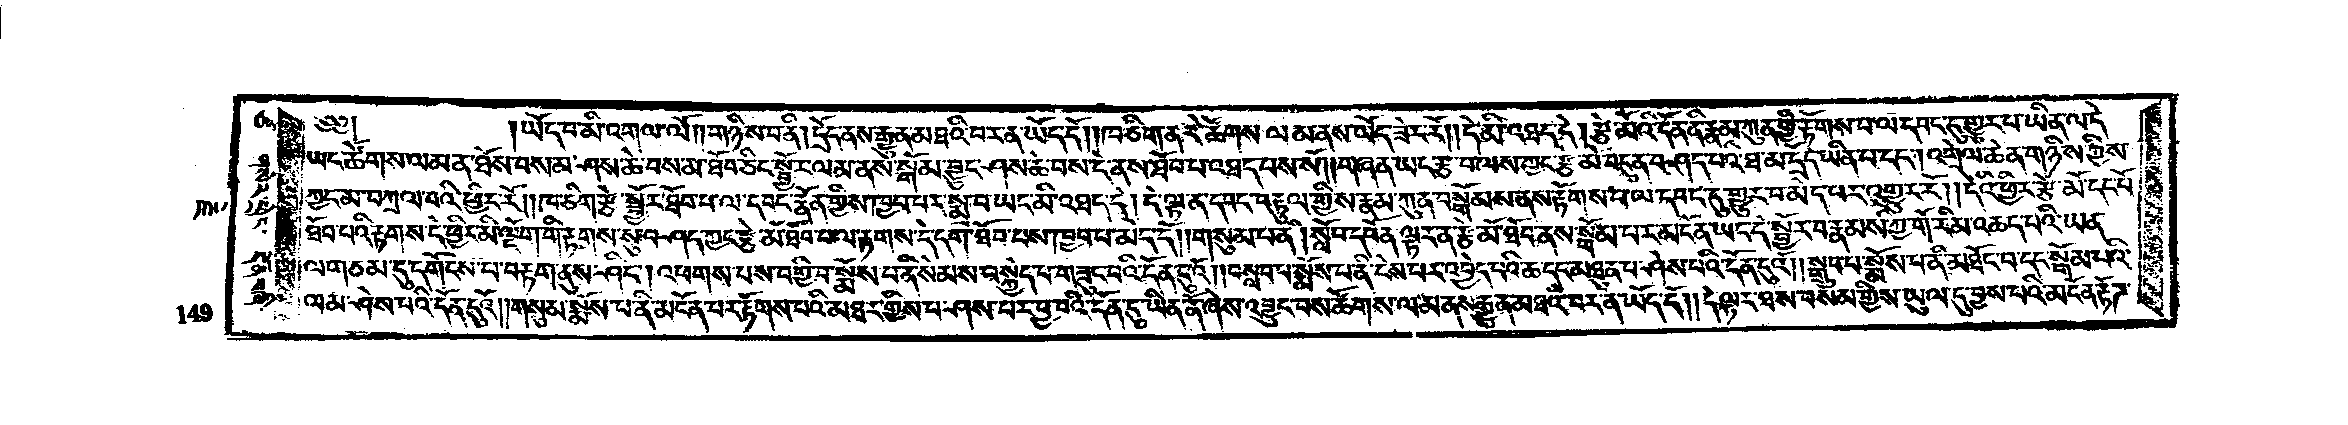༄༅། །ཡོད་པ་མི་འགལ་ལོ། །གཉིས་པ་ནི། དྲོད་ནས་རྒྱུན་མཐའི་བར་ན་ཡོད་དོ། །ཁ་ཅིག་ན་རེ་ཚོགས་ལམ་ནས་ཡོད་ཟེར་རོ། །དེ་མི་འཐད་དེ། རྩེ་མོའི་དོན་ནི་རྣམ་ཀུན་གྱི་རྟོགས་པ་ལ་དབང་དུ་གྱུར་པ་ཡིན་ལ་དེ་
ཡང་ཚོགས་ལམ་ན་ཐོས་བསམ་ཤས་ཆེ་བས་མ་ཐོབ་ཅིང་སྦྱོར་ལམ་ནས་སྒོམ་བྱུང་ཤས་ཆེ་བས་དེ་ནས་ཐོབ་པ་འཐད་པས་སོ། །གཞན་ཡང་རྩ་བ་ལས་ཀྱང་རྩེ་མོ་བདུན་བཤད་པའི་ཐ་མ་དྲོད་ཡིན་པ་དང་། འགྲེལ་ཆེན་གཉིས་ཀྱིས་
ཀྱང་མ་བཀྲལ་བའི་ཕྱིར་རོ། །ཁ་ཅིག་རྩེ་སྦྱོར་ཐོབ་པ་ལ་དབང་རྣོན་གྱིས་ཁྱབ་པར་སྨྲ་བ་ཡང་མི་འཐད་དེ། དེ་ལྟ་ན་དབང་བརྟུལ་གྱིས་རྣམ་ཀུན་བསྒོམས་ནས་རྟོགས་པ་ལ་དབང་དུ་གྱུར་བ་མེད་པར་འགྱུར་རོ། །དེའི་ཕྱིར་རྩེ་མོ་དང་པོ་
ཐོབ་པའི་རྟགས་དེ་ཕྱིར་མི་ལྡོག་གི་རྟགས་སུ་བཤད་ཀྱང་རྩེ་མོ་ཐོབ་པ་ལ་ཁྱབ་པ་མེད་དོ། །གསུམ་པ་ནི། སློབ་དཔོན་ལྟར་ན་རྩེ་མོ་ཐོབ་ནས་སྒོམ་པར་མངོན་ཡང་དེ་སྦྱོར་བ་རྣམས་ཀྱི་གོ་རིམ་འཆད་པའི་ཡན་
ལག་ཙམ་དུ་དགོངས་པ་བརྟག་ནུས་ཤིང་། འཕགས་པས་བགྱི་བ་སྨོས་པ་ནི་སེམས་བསྐྱེད་པ་གཟུང་བའི་དོན་དུའོ། །བསླབ་པ་སྨོས་པ་ནི་ངེས་པར་འབྱེད་པའི་ཆ་དང་མཐུན་པ་ཤེས་པའི་དོན་དུའོ། །སྒྲུབ་པ་སྨོས་པ་ནི་མཐོང་བ་དང་སྒོམ་པའི་
ལམ་ཤེས་པའི་དོན་དུའོ། །གསུམ་སྨོས་པ་ནི་མངོན་པར་རྟོགས་པའི་མཐར་གྱིས་པ་ཤས་པར་བྱ་བའི་དོན་དུ་ཡིན་ནོ་ཞེས་འབྱུང་བས་ཚོགས་ལམ་ནས་རྒྱུན་མཐའི་བར་ན་ཡོད་དོ། །དེ་ལྟར་ཐོས་བསམ་གྱིས་ཡུལ་དུ་བྱས་པའི་མངོན་རྟོགས་